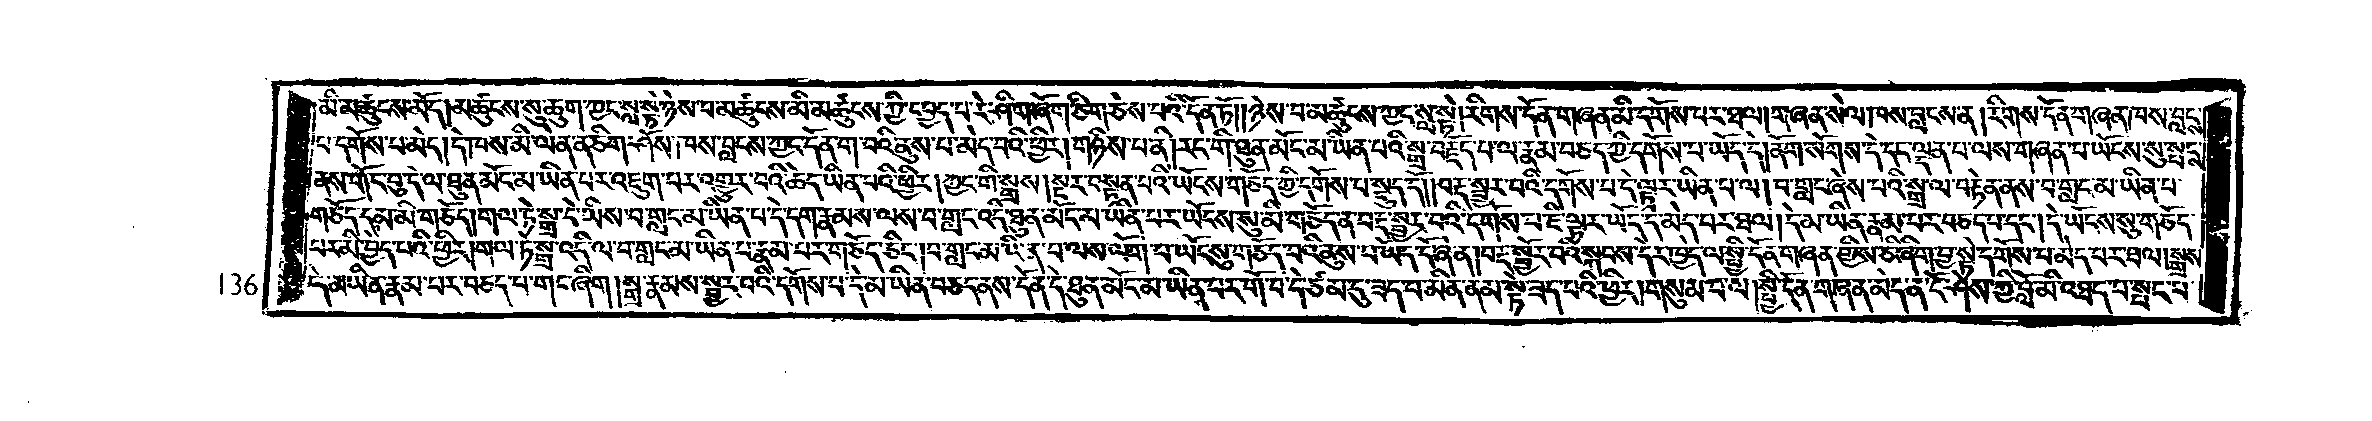མི་མཚུངས་མོད། མཚུངས་སུ་ཆུག་ཀྱང་སླ་སྟེ་ཉེས་པ་མཚུངས་མི་མཚུངས་ཀྱི་དཔྱད་པ་རེ་ཤིག་ཞོག་ཅིག་ཅེས་པའི་དོན་ཏོ། །ཉེས་པ་མཚུངས་ཀྱང་སླ་སྟེ། རིགས་དོན་གཞན་མི་དགོས་པར་ཐལ། གཞན་སེལ་ཁས་བླངས་ན། རིགས་དོན་གཞན་ཁས་བླངས་
པ་དགོས་པ་མེད། དེ་ཁས་མི་ལེན་ན་ཅིག་ཤོས་ཁས་བླངས་ཀྱང་དོན་ག་བའི་ནུས་པ་མེད་པའི་ཕྱིར། གཉིས་པ་ནི། རང་གི་ཐུན་མོང་མ་ཡིན་པའི་སྒྲ་བརྗོད་པ་ལ་རྣམ་བཅད་ཀྱི་དགོས་པ་ཡོད་དེ། ནོག་སོགས་དེ་དང་ལྡན་པ་ལས་གཞན་པ་ཡོངས་སུ་སྤངས་
ནས་གོང་བུ་དེ་ལ་ཐུན་མོང་མ་ཡིན་པར་འཇུག་པར་འགྱུར་བའི་ཆེད་ཡིན་པའི་ཕྱིར། ཀྱང་གི་སྒྲས། སྔར་བསྟན་པའི་ཡོངས་གཅོད་ཀྱི་དགོས་པ་སྡུད་དོ། །བརྡ་སྦྱར་བའི་དགོས་པ་དེ་ལྟར་ཡིན་པ་ལ། བ་གླང་ཞེས་པའི་སྒྲ་ལ་བརྟེན་ནས་བ་གླང་མ་ཡིན་པ་
གཅོད་དམ་མི་གཅོད། གལ་ཏེ་སྒྲ་དེ་ཡིས་བ་གླང་མ་ཡིན་པ་དེ་དག་རྣམས་ལས་བ་གླང་འདི་ཐུན་མོང་མ་ཡིན་པར་ཡོངས་སུ་མི་གཅོད་ན་བརྡ་སྦྱར་བའི་དགོས་པ་ཇི་ལྟར་ཡོད་དེ་མེད་པར་ཐལ། དེ་མ་ཡིན་རྣམ་པར་བཅད་པ་དང་། དེ་ཡོངས་སུ་གཅོད་
པར་མི་བྱེད་པའི་ཕྱིར། གལ་ཏེ་སྒྲ་འདི་ལ་བ་གླང་མ་ཡིན་པ་རྣམ་པར་གཅོད་ཅིང་། བ་གླང་མ་ཡིན་པ་ལས་ལོག་པ་ཡོངས་སུ་གཅོད་པའི་ནུས་པ་ཡོད་དོ་ཞེ་ན། བརྡ་སྦྱོར་བའི་སྐབས་དེར་ཁྱེད་ལ་སྤྱི་དོན་གཞན་གྱིས་ཅི་ཞིག་བྱ་སྟེ་དགོས་པ་མེད་པ་ཐལ། སྒྲས་
དེ་མ་ཡིན་རྣམ་པར་བཅད་པ་གང་ཞིག །སྒྲ་རྣམས་སྦྱར་བའི་དགོས་པ་དེ་མ་ཡིན་བཅད་ནས་དོན་དེ་ཐུན་མོང་མ་ཡིན་པར་གོ་བ་དེ་ཙམ་དུ་ཟད་པ་མིན་ནམ་སྟེ་ཟད་པའི་ཕྱིར། གསུམ་པ་ལ། སྤྱི་དོན་གཞན་མེད་ན་ངོ་ཤེས་ཀྱི་བློ་མི་འཐད་པ་སྤང་པ་